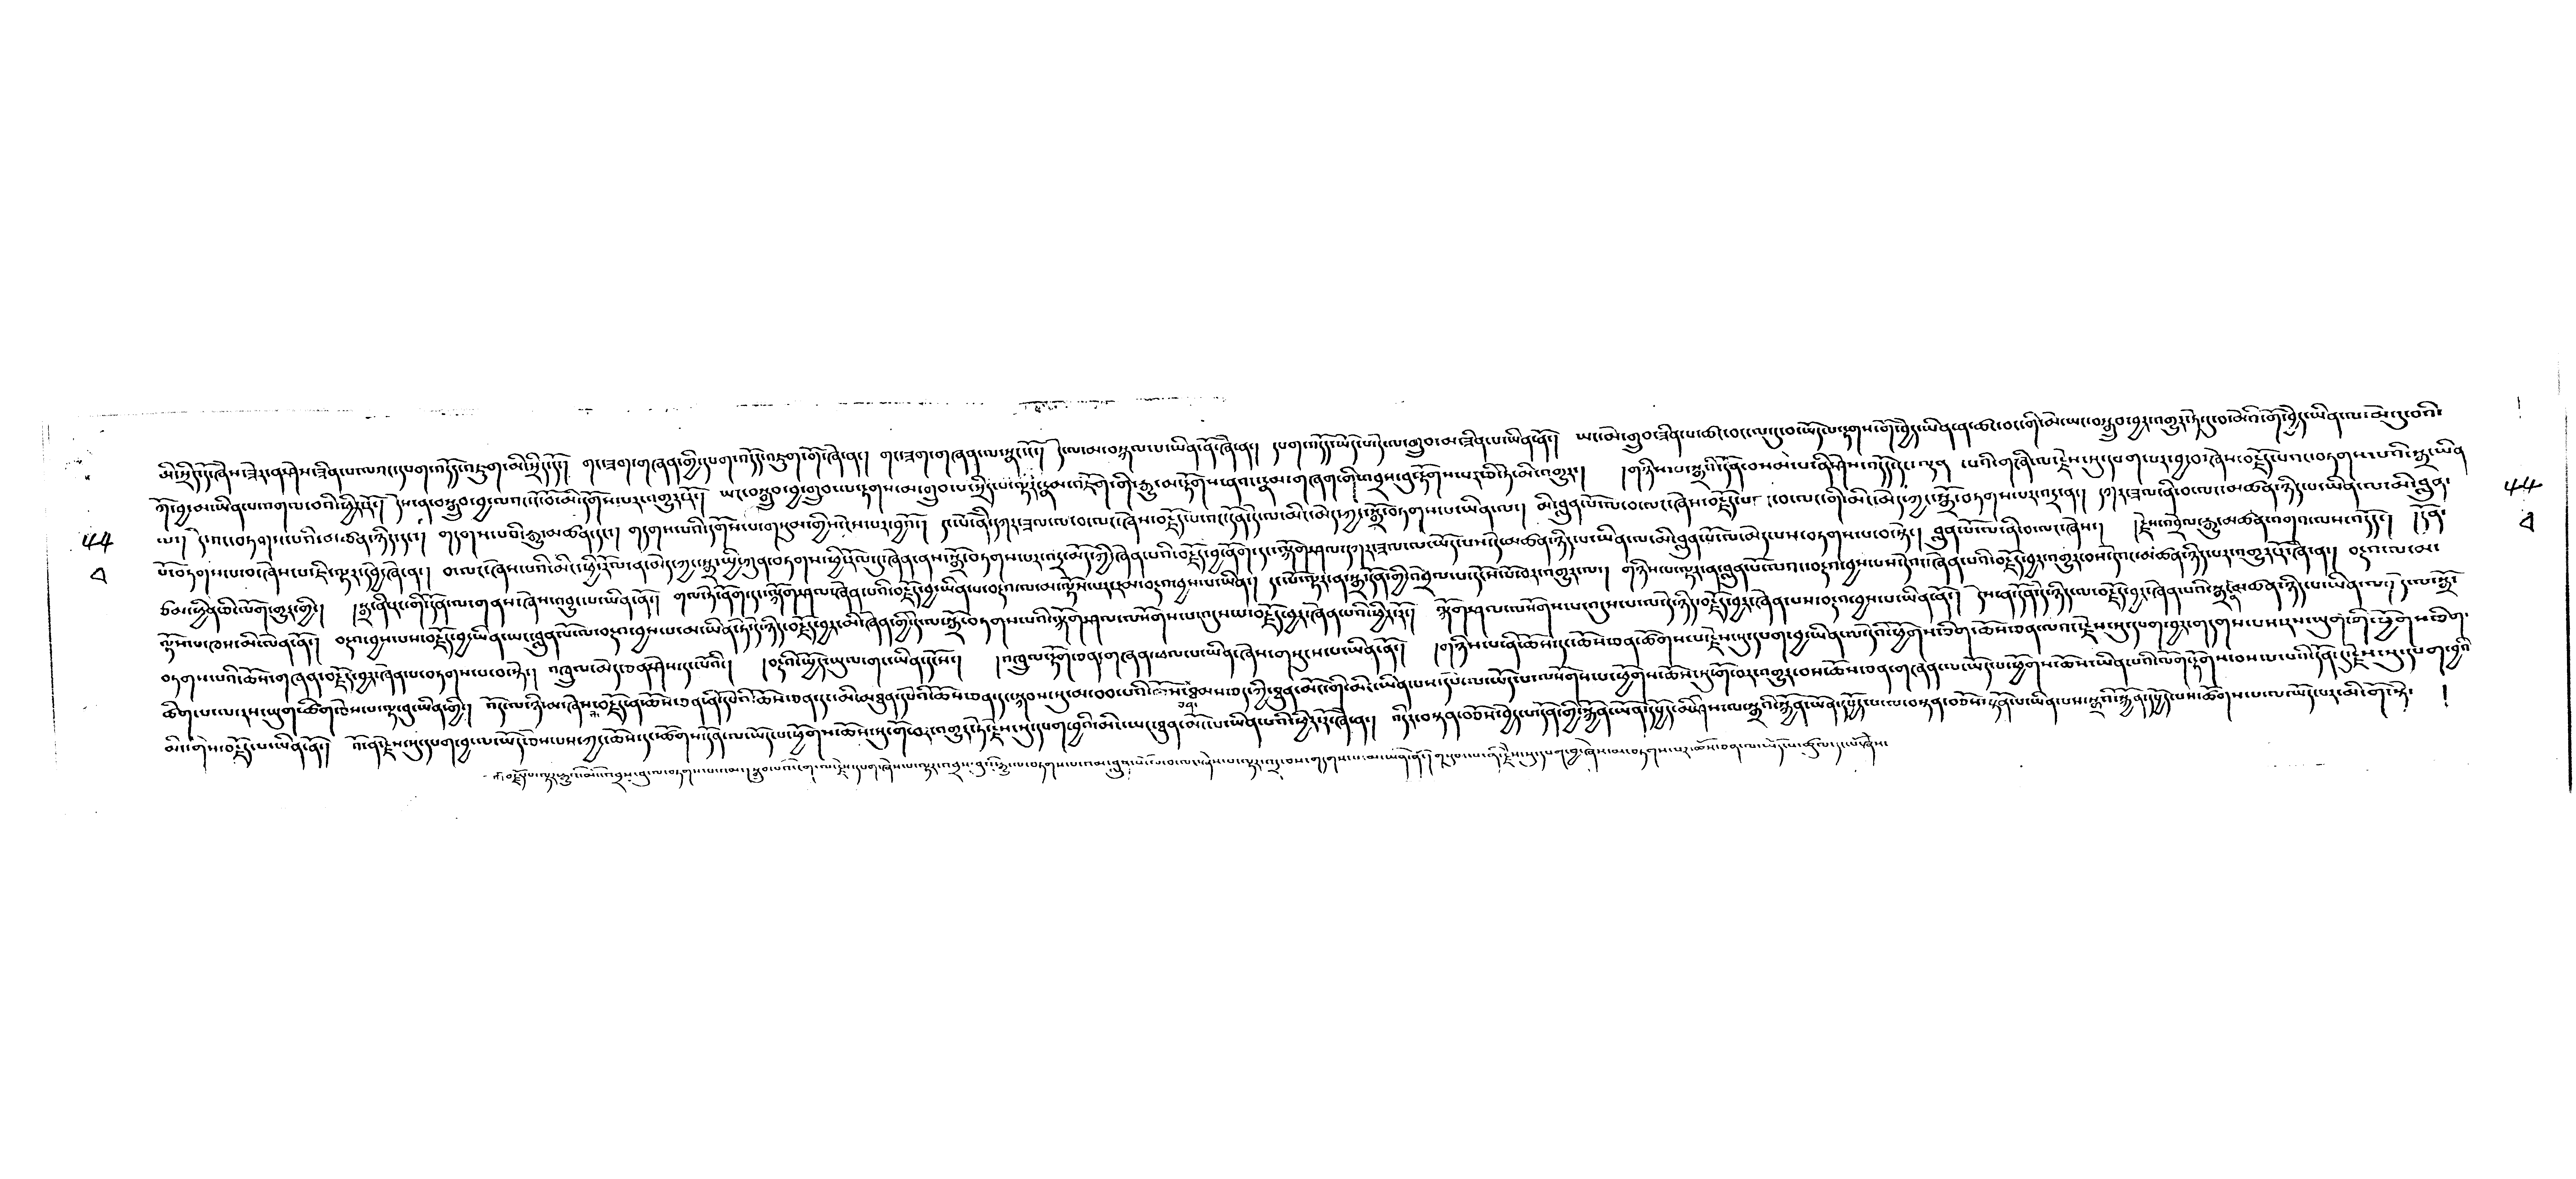མི་སྲིད་དོ་ཞེས་ཟེར་ན་ཤེས་ཟིན་པ་ལའང་དཔག་འདོད་འཇུག་མི་སྲིད་དོ། གང་ཟག་གཞན་གྱི་དཔག་འདོད་འཇུག་གོ་ཞེ་ན། གང་ཟག་གཞན་ལ་སྣང་ངོ། དེ་ལ་མ་བསྐལ་པ་ཡིན་ནོ་ཞེ་ན། དཔག་འདོད་ཡོད་པ་དེ་ལ་གྲུབ་མ་ཟིན་པ་ཡིན་ནོ། ཡང་མེ་གྲུབ་ཟིན་པ་ཚང་བང་ལ་དུ་བ་ཡོད་པ་རྟགས་གོ་བྱེད་ཡིན་ན་ཚང་བང་གི་མེ་ཡང་བསྒྲུབ་བྱར་འགྱུར་ཏེ་དུ་བ་མེའི་གོ་བྱེད་ཡིན་ལ་མེ་དུ་བའི་
གོ་བྱ་མ་ཡིན་པ་འགལ་བའི་ཕྱིར་རོ། དེས་ན་བསྒྲུབ་བྱ་ལའང་ངོ་བོ་མི་དགོས་པར་འགྱུར་རོ། ཡང་བསྒྲུབ་བྱ་གྲུབ་ལ་རྟགས་མ་གྲུབ་པ་སྲིད་པ་ལྟར་རྣམ་འཇོག་གི་རྒྱུ་མ་རྟོགས་ནའང་རྣམ་གཞག་གི་འབྲས་བུ་རྟོགས་པར་ཅི་ཏེ་མི་འགྱུར། །གཉིས་པ་སྒྲའི་དོན་བསམ་པ་ནི་ཤེས་འདོད་དང་ལྡན་པའི་གཞི་ལ་རྗེས་སུ་དཔག་པར་བྱ་བ་ཞེས་བརྗོད་པའང་བཏགས་པའི་སྒྲ་ཡིན་
ལ། དེ་འང་བཏགས་པའི་མཚན་ཉིད་དང་། གདགས་པའི་རྒྱུ་མཚན་དང་། གདགས་པའི་དགོས་པ་གསུམ་གྱིས་ངེས་པར་བྱའོ། དང་པོ་ནི་དཀར་ཟལ་ལ་བ་ལང་ཞེས་བརྗོད་པ་འང་དོན་དེ་ལ་མིང་མེད་ཀྱང་སྒྲོ་བཏགས་པ་ཡིན་ལ། མི་བླུན་པོ་ལ་བ་ལང་ཞེས་བརྗོད་པའང་བ་ལང་གི་མིང་མེད་ཀྱང་སྒྲོ་བཏགས་པར་འདྲ་ན། དཀར་ཟལ་ནི་བ་ལང་མཚན་ཉིད་པ་ཡིན་ལ་མི་བླུན་
པོ་བཏགས་པ་བ་ཞེས་པ་ཇི་ལྟར་དབྱེ་ཞེ་ན། བ་ལང་ཞེས་པའི་མིང་ཕྱི་རོལ་ན་མེད་ཀྱང་སྒྲ་སྤྱི་ཀུན་བཏགས་ཕྱི་རོལ་དུ་ཞེན་ནས་སྒྲོ་བཏགས་པར་འདྲ་མོད་ཀྱི་ཞེན་པའི་བརྗོད་བྱ་ནོག་དང་ལྐོག་ཤལ་དཀར་ཟལ་ལ་ཡོད་པས་དེ་མཚན་ཉིད་པ་ཡིན་ལ་མི་བླུན་པོ་ལ་མེད་པས་བཏགས་པ་བ་སྟེ། བླུན་པོ་ལ་ནི་བ་ལང་ཞེས། །རྗེས་འབྲེལ་རྒྱུ་མཚན་འགའ་ལས་འདོད། །དོན་
ཙམ་ཕྱིན་ཅི་ལོག་གྱུར་གྱི། །སྒྲ་ནི་རང་གི་དོན་ལ་གནས་ཞེས་འབྱུང་པ་ཡིན་ནོ། གལ་ཏེ་ནོག་དང་ལྐོག་ཤལ་ཞེན་པའི་བརྗོད་བྱ་ཡིན་པ་བརྡའ་ལ་མ་ལྟོས་པར་རམ་བརྡའ་བྱས་པ་ཡིན། དང་པོ་ལྟར་ན་སྒྲ་དོན་གྱི་འབྲེལ་པ་དངོས་པོ་བར་འགྱུར་ལ། གཉིས་པ་ལྟར་ན་བླུན་པོ་ལའང་བརྡའ་བྱས་པས་དེའང་ཞེན་པའི་བརྗོད་བྱར་འགྱུར་བས་དེའང་མཚན་ཉིད་པར་འགྱུར་རོ་ཞེ་ན། བརྡའ་ལ་མ་
ལྟོས་པ་ཁས་མི་ལེན་ནོ། བརྡའ་བྱས་པས་བརྗོད་བྱ་ཡིན་ཡང་བླུན་པོ་ལ་བརྡའ་བྱས་པ་མ་ཡིན་ཏེ་དེ་ཉིད་བརྗོད་བྱར་མི་ཞེན་གྱི་དེ་ལ་སྒྲོ་བཏགས་པའི་ལྐོག་ཤལ་ལ་སོགས་པ་འདུས་པ་བརྗོད་བྱར་ཞེན་པའི་ཕྱིར་རོ། ལྐོག་ཤལ་ལ་སོགས་པ་འདུས་པ་ལ་དེ་ཉིད་བརྗོད་བྱར་ཞེན་པས་བརྡའ་བྱས་པ་ཡིན་ནོ། དེས་ན་དོན་དེ་ཉིད་ལ་བརྗོད་བྱར་ཞེན་པའི་སྒྲ་ན་མཚན་ཉིད་པ་ཡིན་ལ། དེ་ལ་སྒྲོ་
བཏགས་པའི་ཆོས་གཞན་བརྗོད་བྱར་ཞེན་པ་བཏགས་པ་བ་སྟེ། འཁྲུལ་མེད་ཅན་ཤེས་དང་པོའི། །བརྡའི་སྤྱོད་ཡུལ་གང་ཡིན་དངོས། །འཁྲུལ་རྟོག་ཅན་གཞན་ཕལ་པ་ཡིན་ཞེས་གསུངས་པ་ཡིན་ནོ། །གཉིས་པ་ནི་ཆོས་དང་ཆོས་ཅན་ཚོགས་པ་རྗེས་སུ་དཔག་བྱ་ཡིན་ལ་དེའི་ཕྱོགས་ཅིག་ཆོས་ཅན་ལའང་རྗེས་སུ་དཔག་བྱར་གདགས་པས་རས་ཡུག་གི་ཕྱོགས་ཅིག་
ཚིག་པ་ལ་རས་ཡུག་ཚིག་ཅེས་པ་ལྟ་བུ་ཡིན་གྱི། འོད་ལ་ཉི་མ་ཞེས་?བརྗོད་ན་ཆོས་ཅན་ནི་དཔེའི་ཆོས་ཅན་དང་མི་མཐུན་དཔེའི་ཆོས་ཅན་དང་སྐབས་སུ་མ་བབ་པའི་ཆོས་ཅན་ཐམས་ཅད་ཀྱི་ཐུན་མོང་གི་མིང་ཡིན་པས་དཔེ་ལ་ཡོད་པ་ལ་སོགས་པ་ཕྱོགས་ཆོས་སུ་གོ་བར་འགྱུར་བས་ཆོས་ཅན་གཞན་ལ་ཡོད་པ་ཕྱོགས་ཆོས་ཡིན་པའི་ལོག་རྟོགས་བསལ་པའི་དོན་དུ་རྗེས་སུ་དཔག་བྱའི་
མི་གིས་བརྗོད་པ་ཡིན་ནོ། འོ་ན་རྗེས་སུ་དཔག་བྱ་ལ་ཡོད་ཅེས་པས་ཀྱང་ཆོས་དང་ཚོགས་དོན་ལ་ཡོད་པ་ཕྱོགས་ཆོས་སུ་གོ་བར་འགྱུར་ཏེ་རྗེས་སུ་དཔག་བྱའི་མིང་ཡང་ཐུན་མོང་པ་ཡིན་པའི་ཕྱིར་རོ་ཞེ་ན། འདིར་བསྟན་བཅོས་བྱེད་པ་དོན་གྱི་སྐྱོན་ཡོན་དཔྱོད་མི་ཤེས་ལ་སྒྲའི་སྐྱོན་ཡོན་དཔྱོད་པ་ལ་བསྟན་བཅོས་སྟོན་པ་ཡིན་པས་སྒྲའི་སྐྱོན་དཔྱོད་པས་ཚོགས་པ་ལ་ཡོད་པར་མི་གོ་སྟེ།